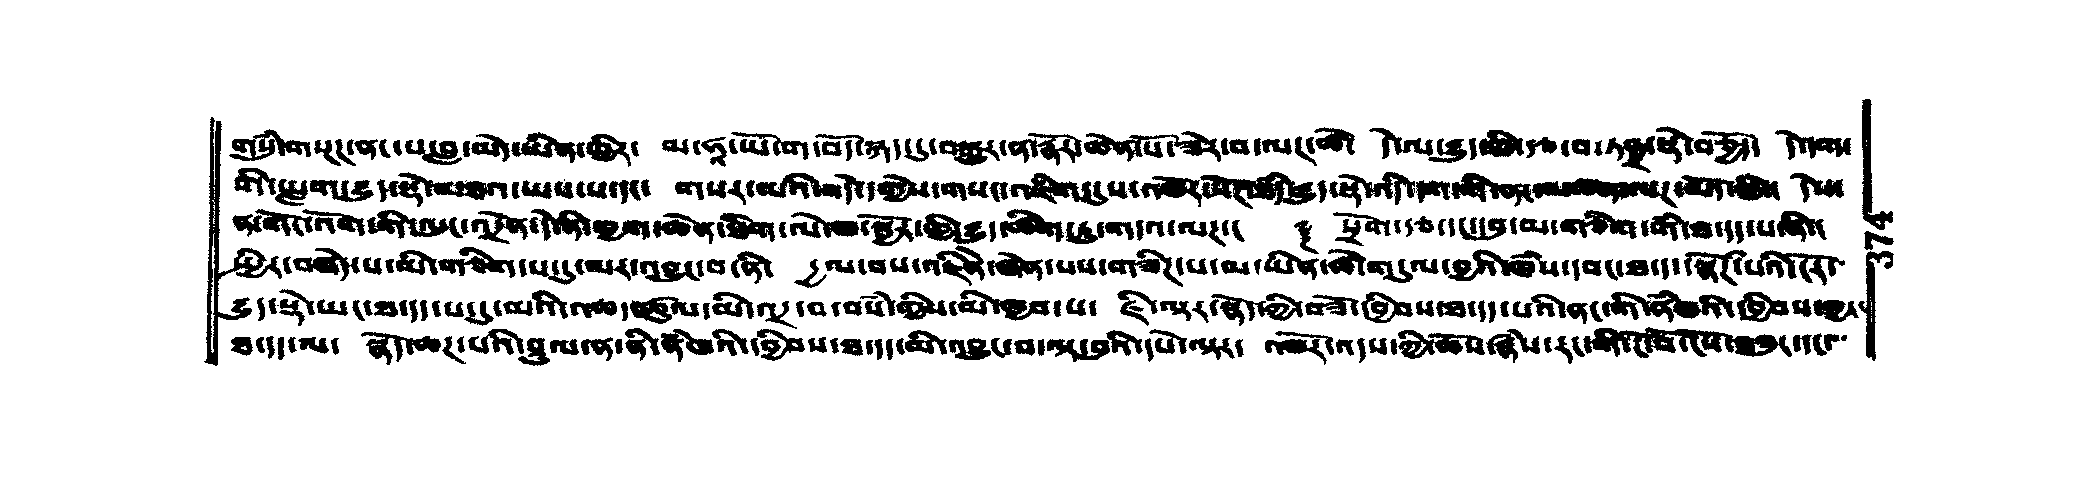གསུམ་གསང་སྔགས་ནང་པ་བླ་མེད་ཡིན་ཕྱིར། མ་ཧཱ་ཡོ་ག་བོད་སྐད་དུ་བསྒྱུར་ན་རྣལ་འབྱོར་ཆེན་པོ་ཟེར་བ་ལགས་ཚེ། དེ་ལ་རྒྱུད་ཀྱི་རྩ་བ་ཏནྟྲ་སྡེ་བཅོ་བརྒྱད། དེ་དག་
གི་ཡན་ལག་རྒྱུད་སྡེ་མཐའ་ཡས་པ་དང་། གསར་མའི་བདེ་དགྱེས་གསང་འཇིགས་དུས་འཁོར་སོགས་ཐམས་ཅད་རྒྱུད་སྡེ་འདི་དག་གི་ནང་མཚན་ལགས་མོད་ཀྱི། དེས་
ན་གོང་འོག་གི་ལུང་འདྲེན་དེ་ནི་ཕྱག་ཆེན་ཐིག་ལེ་ཁ་སྦྱོར་གྱི་རྒྱུད་ཚིག་ཏུ་གདའ་ལགས། སྲོག་རྩ་དང་དབུ་མ་གཅིག་གམ་ཐ་དད་པ་ནི། 
སྤྱིར་བཞེད་པ་མི་གཅིག་པ་དུ་མར་འབྱུང་བ་ནི། རྒྱལ་བ་འཇིག་རྟེན་མཁྱེན་པས་གཟིགས་པ་ཡིན་ཚེ་གདུལ་བྱའི་ཁམས་དབང་ཐ་དད་སྣ་ཚོགས་པའི་ངོར་
རྒྱུད་སྡེ་ཡང་ཐ་དད་པ་དུ་མའི་འཆད་ཚུལ་མི་འདྲ་བ་བསམ་གྱིས་མི་ཁྱབ་པ། ཇི་ལྟར་སྣོད་ཀྱི་བཟོ་དབྱིབས་ཐ་དད་པའི་ནང་གི་ནམ་མཁའི་དབྱིབས་ཀྱང་
ཐ་དད་ལ། སྣོད་ཆག་པའི་ཤུལ་ན་ནི་ནམ་མཁའི་དབྱིབས་ཐ་དད་མི་འབྱུང་བ་ལྟ་བུའི་དཔེ་ལྟར། འཁོར་འདས་ཀྱི་ཆོས་རྣམས་རང་གི་ངོ་བོ་ངོས་བཟུང་དང་